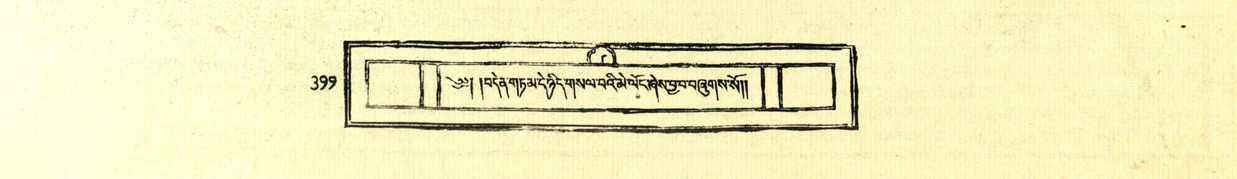༄༅། །བདེན་གཏམ་དེ་ཉིད་གསལ་བའི་མེ་ལོང་ཞེས་བྱ་བ་བཞུགས་སོ།།